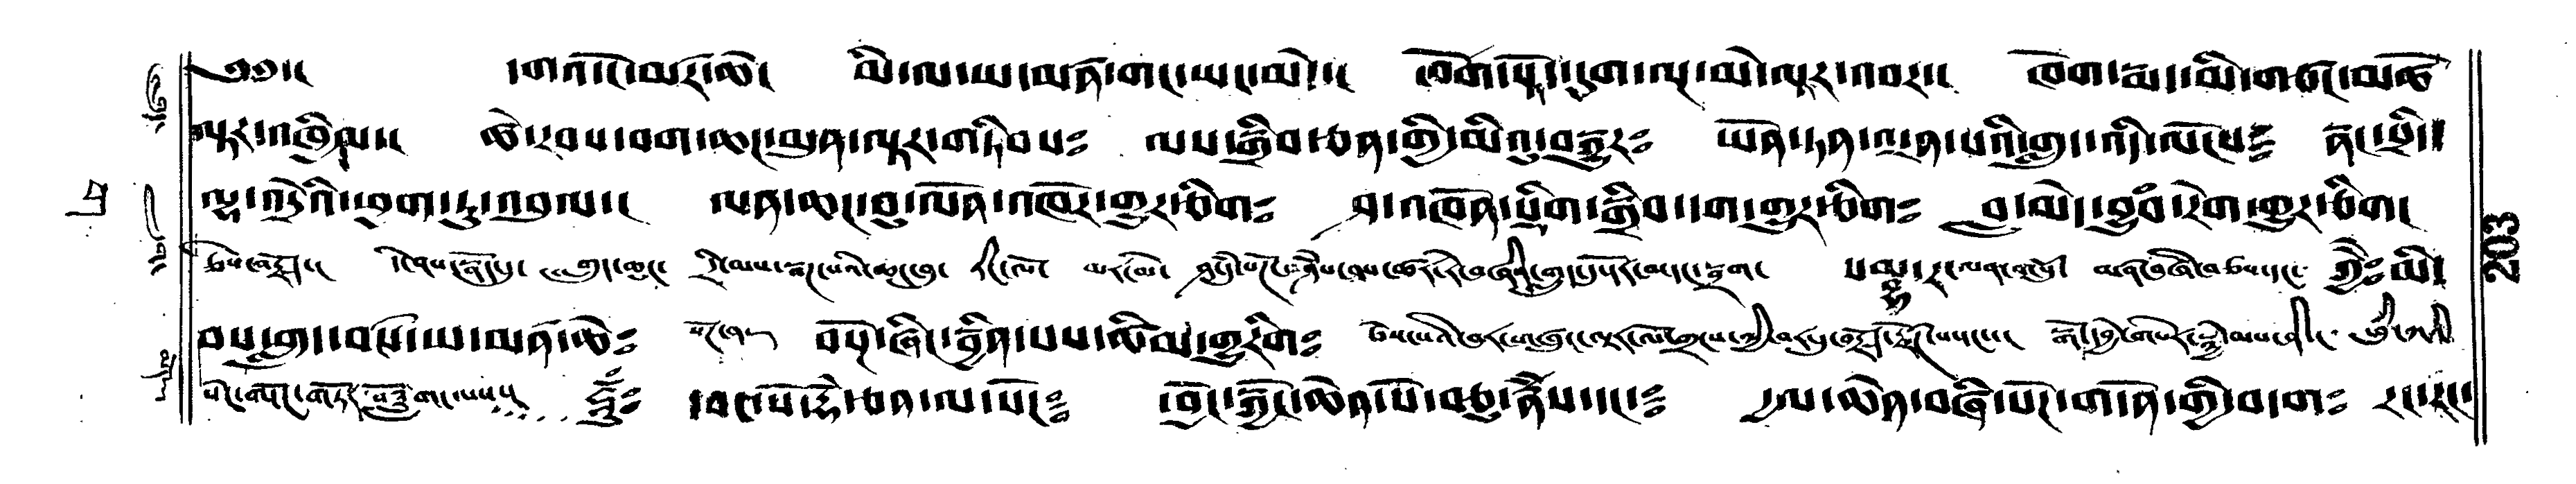དགའ་ངོ་མཚར་ཆེ། །མི་ལ་ཡ་མཚན་གང་ཡང་མེད། ཁོག་སྟོད་དུག་ལྔ་མེ་ལྟར་འབར། །ཁོག་སྨད་མི་གཙང་མཚོ་
ལྟར་འཁྱིལ། །ཚེ་རབས་བག་ཆགས་མུན་ལྟར་འཐིབས། །ལས་སྒྲིབ་ཅན་གྱི་མིའུ་སྐྱུར། །ཡོན་ཏན་ལྡན་པའི་གླུད་འདི་ལོངས། །སྣང་སྲིད་
ལྷ་འདྲེའི་ཕྱག་ཏུ་འབུལ། །ལན་ཆགས་བུ་ལོན་འཁོར་གྱུར་ཅིག །ཤ་འཁོན་སྡིག་སྒྲིབ་དག་གྱུར་ཅིག །བླ་མེད་བྱང་ཆུབ་རེག་གྱུར་ཅིག ། 
ཅེས་བརྗོད། དེ་ནས་སྣོད་དུ་གླུད་ཆུང་། དྲི་མས་སྦགས་པའི་ཆང་བུ། ཏིང་ལོ། མར་མེ། ཤ་དུམ་སོགས་བཤམས་ནས་ཚར་རེ་བཞིན་གླུད་དུ་དོར་བ་དང་སྦྲགས། སམྦྷ་ར་ལན་གསུམ། མཚན་བཞི་བཅས་དང་། ཀྱཻ། མི་
བས་གླུད་བཟང་ཡ་མཚན་ཆེ། སོགས་ནས། བསྔོ་ཞིང་སྦྱིན་པས་ཚིམ་གྱུར་ཅིག ཅེས་པའི་བར་གཞུང་ལྟར་ལོ་གྲངས་ཀྱི་བར་དུ་བརྗོད། རྫོགས་པ་དང་། སྒོ་དབྱེ་གསེར་སྐྱེམས་ནི། ཕུ་ཀའི་
སེང་གདོང་གཏོར་བཟློག་ལས། ཧཱུྃ། དབང་པོ་རྡོ་རྗེ་ཅན་ལ་སོགས། །ཕྱོགས་སྐྱོང་ཆེན་པོ་བཅུ་རྣམས་དང་། །རྒྱལ་ཆེན་བཞི་སོགས་གདོན་གྱི་བདག །རང་རང་